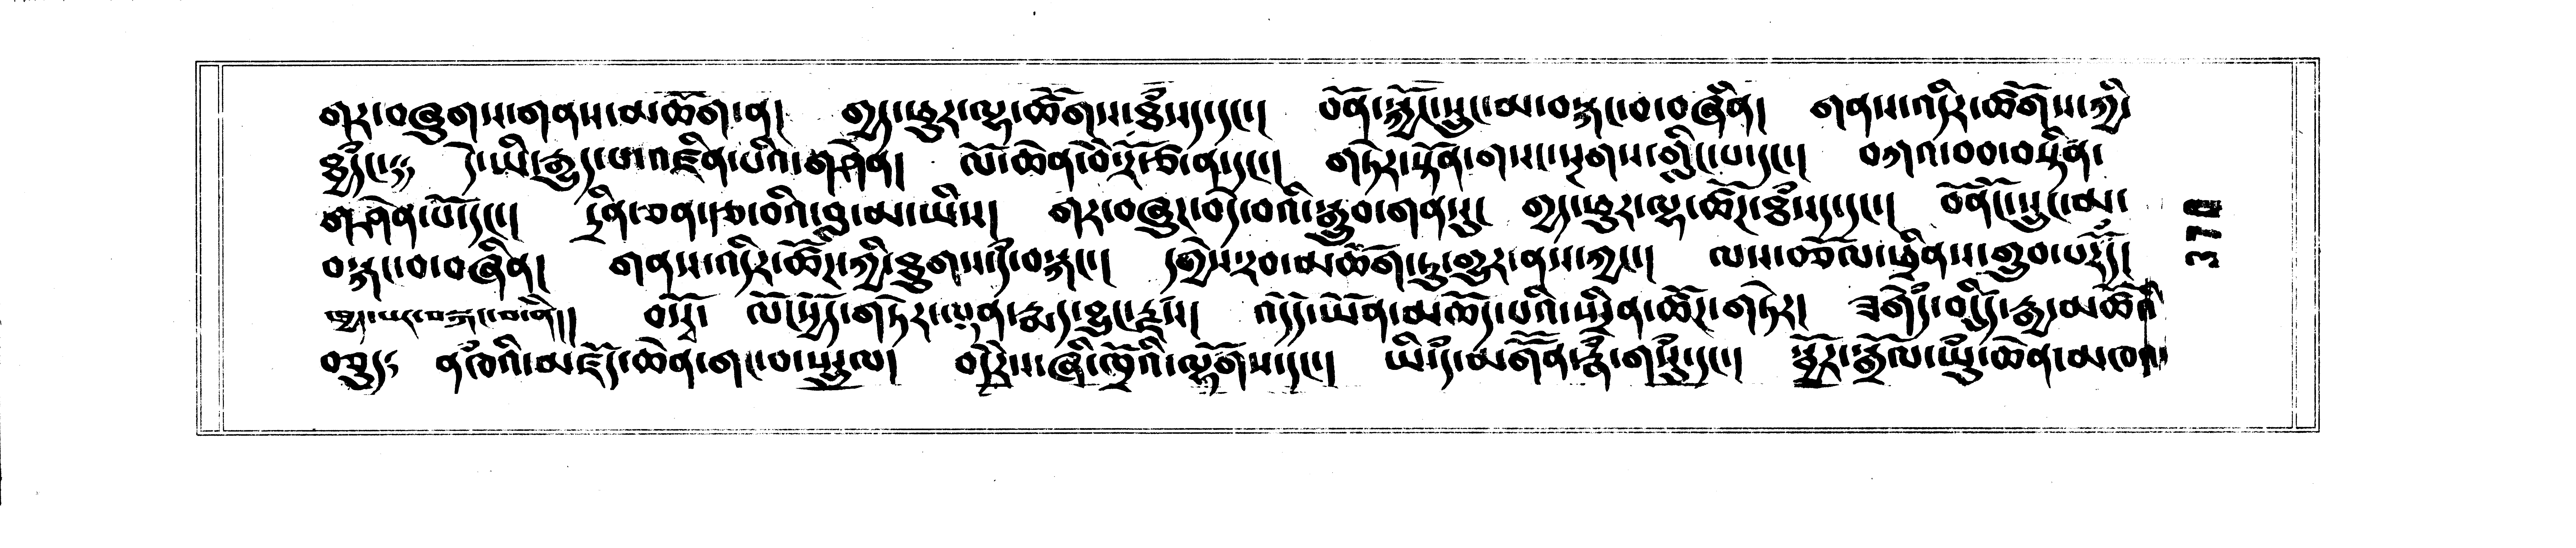གར་བཞུགས་གནས་མཆོག་ན། གྱད་ཕུར་ལྷ་ཚོགས་ཐམས་ཅད་དང་། བོན་སྐྱོང་སྲུང་མ་བསྐང་བ་བཞིན། གནས་འདིར་ཚོགས་ཀྱི་
ཐུགས་དམ་བསྐང་།། དེ་ཡི་རྒྱུད་པ་འཛིན་པའི་གཤེན། ལོ་ཆེན་བཻ་རོ་ཙ་ན་དང་། གཏེར་སྟོན་གསང་སྔགས་གླིང་པ་དང་། བཀའ་བབས་བསྟན་
གཤེན་པོ་དང་། དྲིན་ཅན་རྩ་བའི་བླ་མ་ཡིས། གར་བཞུགས་བདེ་བའི་སྒྲུབ་གནས་སུ། གྱད་ཕུར་ལྷ་ཚོགས་ཐམས་ཅད་དང་། བོན་སྐྱོང་སྲུང་མ་
བསྐང་བ་བཞིན། གནས་འདིར་ཚོགས་ཀྱི་ཐུགས་དམ་བསྐང་། དགྱེས་རབ་མཆོག་ཏུ་གྱུར་ནས་ཀྱང་། ལས་བཅོལ་ཕྲིན་ལས་གྲུབ་པར་མཛོད། 
ཁྱད་པར་བསྐང་བ་ནི། བསྭོ། ལོངས་སྤྱོད་གཏེར་ལྡན་རྨད་བྱུང་རྫས། འདོད་ཡོན་མཆོད་པའི་སྤྲིན་ཚོགས་གཏེར། ཟག་མེད་བདུད་རྩི་རྒྱ་མཚོའི་
བཅུད། ནམ་མཁའི་མཛོད་ཆེན་གང་བ་སྤྲུལ། བདེར་གཤེགས་ཞི་ཁྲོའི་ལྷ་ཚོགས་དང་། ཡི་དམ་མགོན་པོ་རྣམ་གསུམ་དང་། སྦྱོར་སྒྲོལ་ཡུམ་ཆེན་མཁའ་